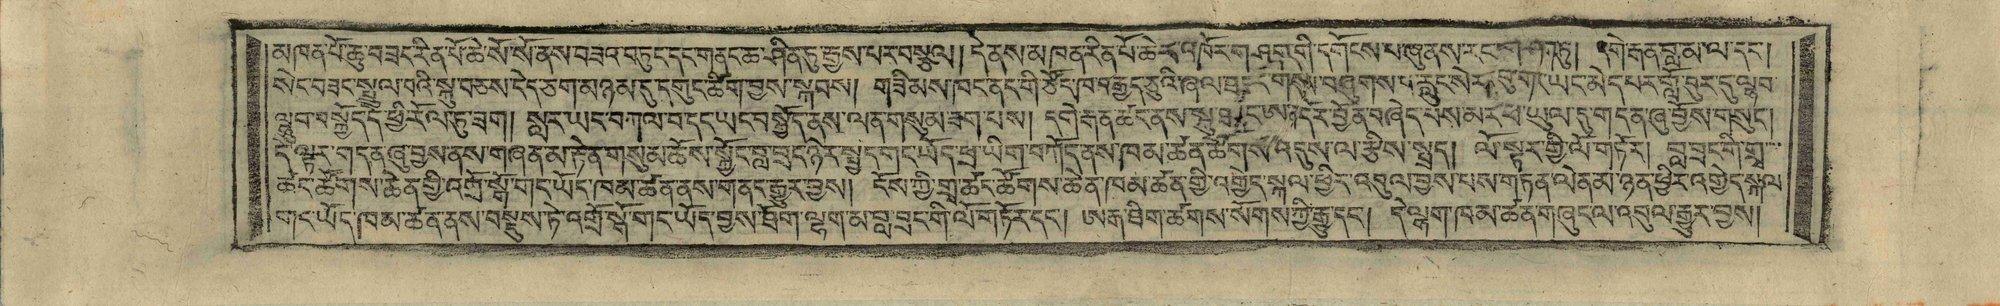མཁན་པོ་ཆུ་བཟང་རིན་པོ་ཆེ་སོ་སོ་ནས་བཟའ་བཏུང་དང་གནང་ཆ་ཤིན་ཏུ་རྒྱས་པར་བསྩལ། དེ་ནས་མཁན་རིན་པོ་ཆེར་འཁོར་གཤག་གི་དགོངས་པ་ཞུ་ནས་རང་གཤག་ཏུ། དགེ་རྒན་བླ་མ་ལ་དང་།
སེང་བཟང་སྤྲུལ་བའི་སྐུ་བཅས་ངེད་ཅག་མཉམ་དུ་དགུང་ཚིག་བྱས་སྐབས། གཟིམས་ཁང་ནང་གི་ཙོང་ཁ་བརྒྱད་ཅུའི་ཞལ་ཐང་གསུམ་བཞུགས་པ་རླུང་སེར་བུ་གང་ཡང་མེད་པར་གློ་བུར་དུ་ལྷབ་
ལྷུབ་བསྐྱོད་དེ་ཕྱི་རོལ་ཏུ་ཟག །སླར་ཡང་བཀལ་བ་དང་ཡང་བསྐྱོད་ནས་ལན་གསུམ་ཟག་པས། དགེ་རྒན་ཚང་ནས་སྐུ་ཐང་ཨ་མདོར་བྱོན་བཞེད་པས་མར་ཕ་ཡུལ་དུ་གདན་ཞུ་བྱོས་གསུང་།
དེ་ལྟར་གདན་ཞུ་བྱས་ནས་གཞན་མ་རྟེན་གསུམ་ཆོས་སྐྱོང་བླ་བྲང་ཉེར་སྤྱད་གང་ཡོད་ཕྲ་ཡིག་བཀོད་ནས་ཁམ་ཚན་ཚོགས་འདུས་ལ་རྩིས་སྤྲད། ལོ་སྟར་གྱི་ལོ་གཏོར། བླ་བྲང་གི་གྲྭ་
ཚང་ཚོགས་ཆེན་གྱི་འགྲོ་སྒོ་གང་ཡོད་ཁམ་ཚན་ནས་གནང་རྒྱུར་བྱས། ངོས་ཀྱི་གྲྭ་ཚང་ཚོགས་ཆེན་ཁམ་ཚན་གྱི་འགྱེད་སྐལ་ཕྱིར་འབུལ་བྱས་པས་གཏན་ལེན་མ་ཉན་ཕྱིར་འགྱེད་སྐལ་
གང་ཡོད་ཁམ་ཚན་ནས་བསྡུས་ཏེ་འགྲོ་སྒོ་གང་ཡོད་བྱས་ཐོག་ལྷག་མ་བླ་བྲང་གི་ལོ་གཏོར་དང་། ཨརྒ་ཐིག་ཚགས་སོགས་ཀྱི་རྒྱུ་དང་། དེ་ལྷག་ཁམ་ཚན་གཞུང་ལ་འབུལ་རྒྱུར་བྱས།